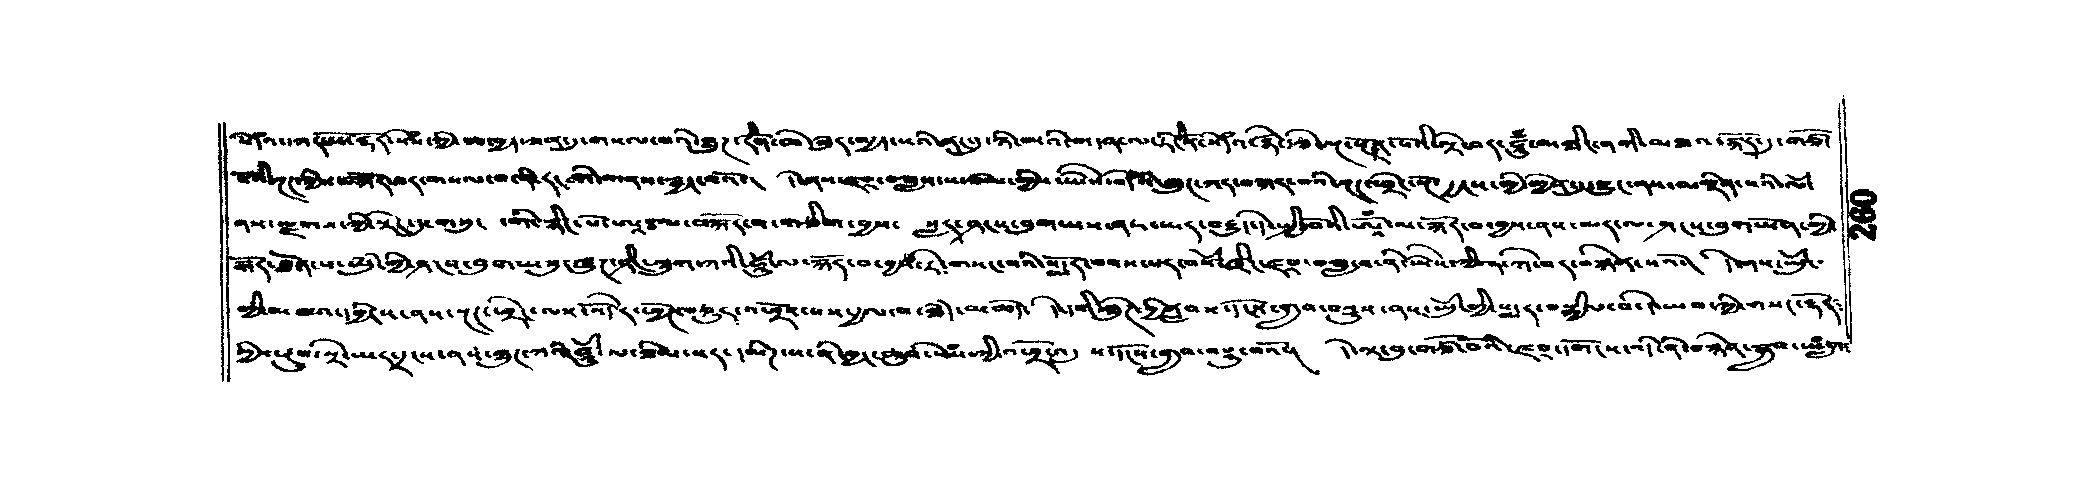སེམས་དཔའ་དཀར་པོ་རྡོར་སེམས་ཀྱི་ཆ་བྱད་ཅན་དུ་གསལ་བའི་ཐུགས་རིན་པོ་ཆེ་ཟུར་བརྒྱད་པའི་ནང་དུ་ཉི་མའི་གདན་ལ་ཏིང་ངེ་འཛིན་སེམས་དཔའ་རྡོ་རྗེ་རྩེ་ལྔ་སྔོན་པོའི་ལྟེ་བར་ཧཱུྃ་མཐིང་ནག་གི་མཐའ་སྐོར་དུ་གཙོ་
བོའི་སྔགས་ཀྱི་བསྐོར་བར་གསལ་བ་ནི་རང་གི་གནས་སྦྱང་བའོ།དེ་ནས་འཛབ་་བཟླས་པ་ཙམ་གྱིས་ཡེ་ཤེས་སེམས་དཔའི་ཐུགས་ཀར་བསྒར་བའི་སྔགས་ཕྲེང་སྔོ་རྒྱངས་གྱི་གྱེན་དུ་བྱུང་ནས་མགྲིན་པའི་ལམ་
ནས་ལྗགས་ཀྱི་སྟེང་དུ་གསུང་གི་སྙིང་པོ་ཨཱཿལ་བསྐོར་བ་གཅིག་བྱས། སླར་ཤངས་བུག་ནས་ཡར་བརྒྱུད་དེ་སྤྱི་བོའི་ཨཱོཾ་ལ་སྐོར་བ་བྱས་ནས་མར་ལ་ཤངས་བུག་གཡོན་གྱི་སྒོར་ཐོན་པ་ཡུམ་གྱི་
ཤངས་བུག་གཡས་སུ་ཞུགས་ཤིང་ཐུགས་ཀའི་གཡཽན་ལ་བསྐོར་བར་བྱས་ཏེ་གསང་བའི་པདྨོར་བབས་པར་བསམ་ཞིང་འཛབ་བཟླ་བ་ནི་ཡེ་ཤེས་ཀྱི་ལྷ་ཉེ་བར་བསྙེན་པའོ། དེ་ནས་ཡུམ་
གྱི་མཁའ་དབྱིངས་ནས་སྔགས་ཕྲེང་ལས་འོད་ཟེར་ཕྱོགས་བཅུར་འཕྲོས་པས་རྒྱལ་བ་ཐམས་ཅད་མཆོད། དེ་དག་གི་ཐུགས་རྗེ་བྱིན་རླབས་དངོས་གྲུབ་བསྡུས་ནས་ཡུམ་གྱི་པདྨར་བསྐྱིལ་བ་དེ་ཡབ་ཀྱི་གསང་རྡོར་
གྱི་རྔུབ་སྟེ་ཡར་དྲངས་ནས་ཐུགས་ཀའི་ཧཱུྃ་ལ་ཐིམ་པར་དམིགས་པ་ནི་བྱང་ཆུབ་སེམས་ཀྱི་འཕྲོ་འདུས་དངོས་གྲུབ་བསྡུ་བའོ། དེ་ལྟ་བུ་གཙོ་བོའི་འཛབ་དགོངས་འདི་ནི་བསྙེན་སྒྲུབ་ཡན་ལག་